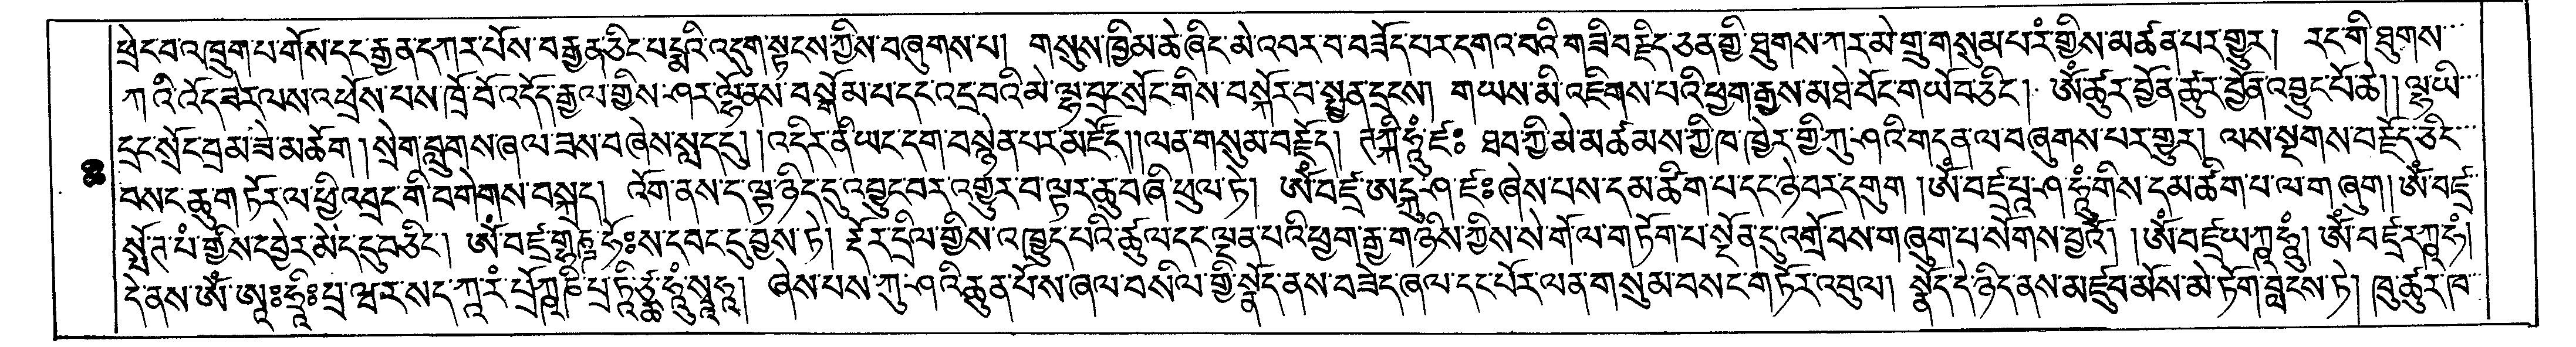ཕྲེང་བ་འཁྲུག་པ་གོས་དང་རྒྱན་དཀར་པོས་བརྒྱན་ཅིང་པདམའི་འདུག་སྟངས་ཀྱིས་བཞུགས་པ། གསུས་ཁྱིམ་ཆེ་ཞིང་མེ་འབར་བ་བཟོད་པར་དཀའ་བའི་གཟི་བརྗིད་ཅན་གྱི་ཐུགས་ཀར་མེ་གྲུ་གསུམ་པ་རཾ་གྱིས་མཚན་པར་གྱུར། རང་གི་ཐུགས་
ཀའི་འོད་ཟེར་ལས་འཕྲོས་པས་ཁྲོ་བོ་འདོད་རྒྱལ་གྱིས་ཤར་ལྷོ་ནས་བསྒོམ་པ་དང་འད་བའི་མེ་ལྷ་དྲང་སྲོང་གིས་བསྐོར་བ་སྤྱན་དྲངས། གཡས་མི་འཇིགས་པའི་ཕྱག་རྒྱས་མཐེ་བོད་གཡོབ་ཅིང་། ཨོཾ་ཚུར་བྱོན་ཚུར་བྱོན་འབྱུང་པོ་ཆེ། །ལྷ་ཡི་
དྲང་སྲོང་བྲམ་ཟེ་མཆོག །སྲེག་བླུགས་ཞལ་ཟས་བཞེས་སླད་དུ། །འདིར་ནི་ཡང་དག་བསྙེན་པར་མཛོད། །ལན་གསུམ་བརྗོད། ཊཀྐི་ཧཱུཾ་ཛཿ། ཐབ་ཀྱི་མེ་མཚམས་ཀྱི་ཁ་ཁྱེར་གྱི་ཀུ་ཤའི་གདན་ལ་བཞུགས་པར་གྱུར། ལས་སྔགས་བརྗོད་ཅིང་
བསང་ཆུ་གཏོར་ལ་ཕྱི་འབྲང་གི་བགེགས་བསྐྲད། འོག་ནས་ད་ལྟ་ཉིད་དུ་འབྱུང་བར་འགྱུར་བ་ལྟར་ཆུ་བཞི་ཕུལ་ཏེ། ཨོཾ་བཛྲ་ཨངྐུ་ཤཛཿ ཞེས་པས་དམ་ཚིག་པ་དང་ཉེ་བར་དགུག །ཨོཾ་བཛྲ་པཱ་ཤ་ཧཱུཾ་གིས་དམ་ཚིག་པ་ལ་གཞུག །ཨོཾ་བཛྲ་
སྥོཊ་བཾ་གྱིས་དབྱེར་མེད་དུ་བཅིང་། ཨོཾ་བཛྲ་གྷཎྜ་ཧོཿས་དབང་དུ་བྱས་ཏེ། རྡོར་དྲིལ་གྱིས་འཁྱུད་པའི་ཚུལ་དང་ལྡན་པའི་ཕྱག་རྒྱ་གཉིས་ཀྱིས་སེ་གོལ་གཏོག་པ་སྔོན་དུ་འགྲོ་བས་གཞུག་པ་སོགས་བྱའོ། །ཨོཾ་བཛྲ་ཡཀྵ་ཧཱུཾ། ཨོཾ་བཛྲ་ཡཀྵ་ཧཾ།
དེ་ནས་ཨོཾ་ཨཱཿཧྲཱིཿཔྲ་ཝ་ར་སང་ཀཱ་རཾ་པྲོཀྵ་ཎཾ་པྲ་ཏཱིཙྪ་ཧཱུཾ་སྭཱཧཱ། ཞེས་པས་ཀུ་ཤའི་ཆུན་པོས་ཞལ་བསིལ་གྱི་སྣོད་ནས་བཟེད་ཞལ་དང་པོར་ལན་གསུམ་བསང་གཏོར་འབུལ། སྣོད་དེ་ཉིད་ནས་མཛུབ་མོས་མེ་ཏོག་བླངས་ཏེ། ཁུ་ཚུར་ཁ་